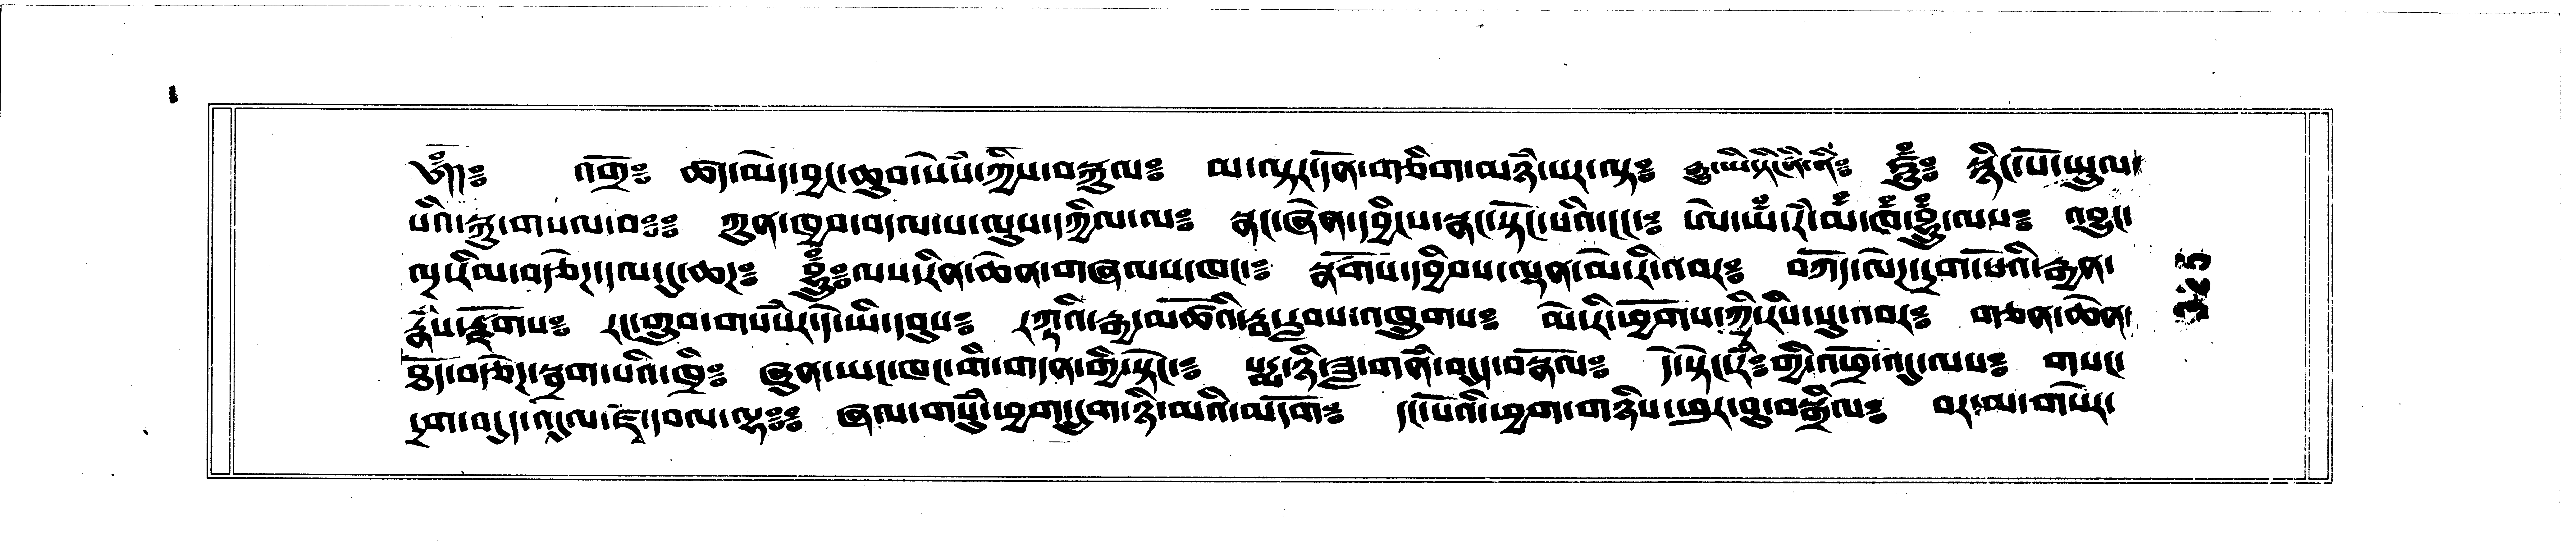འགྲོ༔ ཚད་མེད་བྱང་ཆུབ་སེམས་ཀྱིས་བསྐུལ༔ མ་ལྟར་དོན་གཅིག་མཉམ་པར་ལྟ༔ རྒྱུ་ཡི་ཏིང་འཛིན་ནི༔ ཧཱུྃ༔ སྙིང་པོ་སྤྲུལ་
པའི་སྐུ་གསལ་བ༔༔ ཀུན་ཁྱབ་བདལ་པ་ལུས་དཀྱིལ་ལ༔ སྣང་ཞེན་དབྱིངས་སྣང་སྟོང་པའི་ངང་༔ ཨ་ཡྃ་རི་མྃ་ཁྃ་བྷྲུྃ་ལས༔ འབྱུང་
ལྔ་རིམ་བརྩེགས་དལ་དུ་ཆགས༔ བྷྲུྃ༔ལས་རིན་ཆེན་གཞལ་ཡས་ཁང་༔ སྣ་ཚོགས་དབྱིབས་ལྡན་མེ་རི་འབར༔ བཀོད་ལེགས་དྲག་པོའི་རྒྱན་
རྣམས་རྫོགས༔་རང་གྲུབ་གསས་མཁར་དེ་ཡི་དབུས༔ རཀྟའི་རྒྱ་མཚོའི་རྦ་རླབས་འཁྲུགས༔ མེ་རི་ཕྱོགས་ཀྱི་རིས་སུ་འབར༔ གཅན་ཆེན་
ཐོད་བརྩེགས་སྦྲག་པའི་ཁྲི༔ ཞུན་ཡང་ཁང་གི་གདན་གྱི་སྟེང་༔ པདྨ་ཉི་ཟླ་གནམ་བདུད་བསྣོལ༔ དེ་སྟེང་རྃ་གྱི་འཕོ་འདུ་ལས༔ གསང་
དྲག་བདུད་འདུལ་ཛྭ་དབལ་ལྷ༔༔ ཞལ་གསུམ་ཕྱག་དྲུག་ཉི་མའི་མདོག༔ དང་པོའི་ཕྱག་གཉིས་ཕུར་བུ་བསྒྲིལ༔ བར་མ་གསེར་